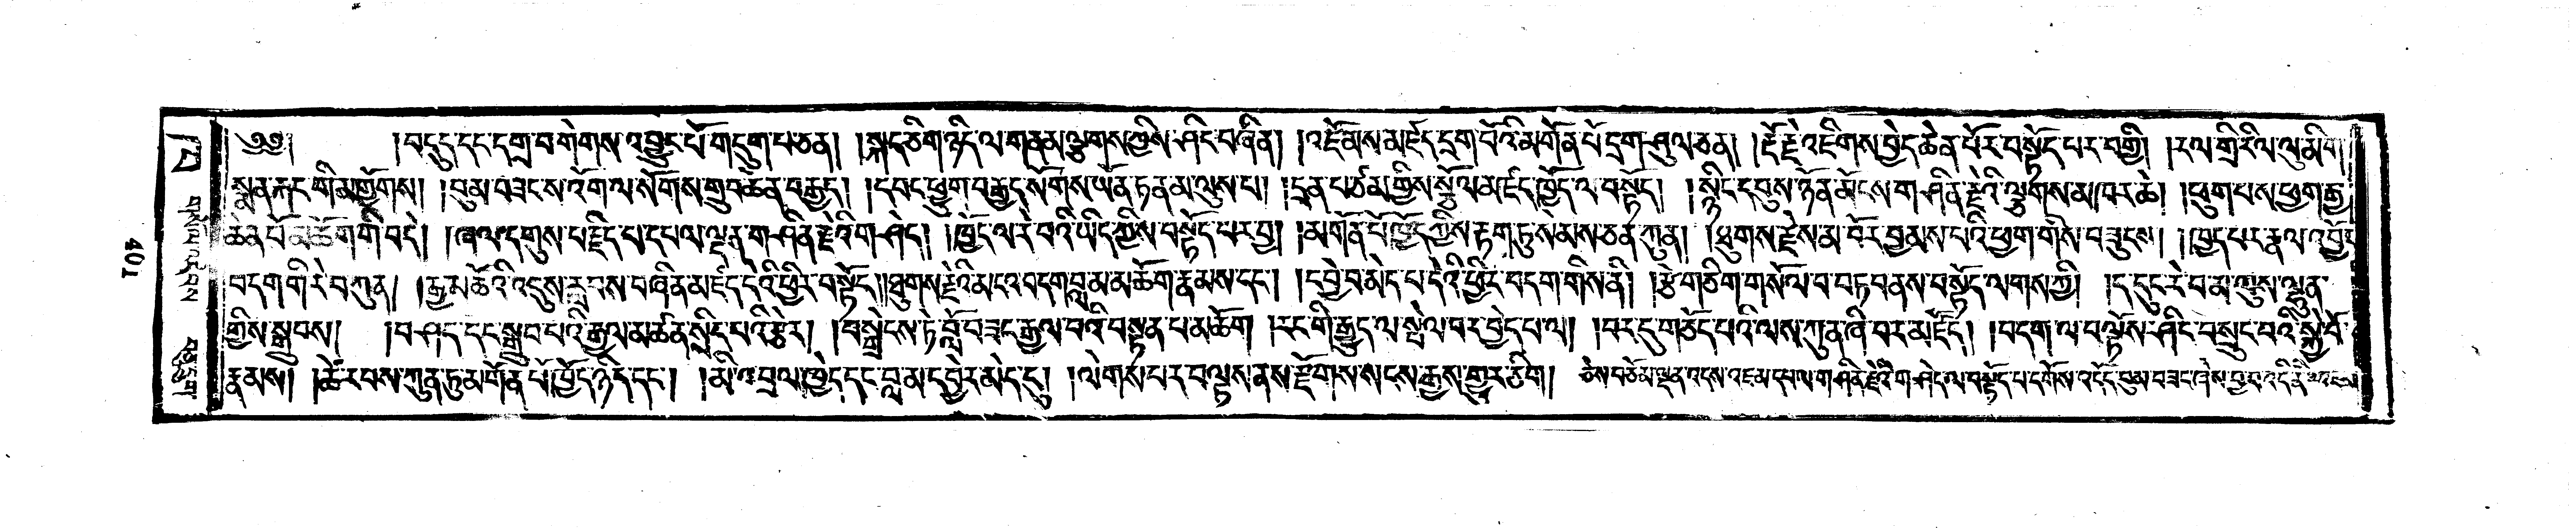༄༅། །བདུད་དང་དགྲ་བགེགས་འབྱུང་པོ་གདུག་པ་ཅན། །སྐད་ཅིག་ཉིད་ལ་གནམ་ལྕགས་ཀྱིས་ཤིང་བཞིན། །འཇོམས་མཛད་དྲག་པོའི་མགོན་པོ་དྲག་ཤུལ་ཅན། །རྡོ་རྗེ་འཇིགས་བྱེད་ཆེན་པོར་བསྟོད་པར་བགྱི། །རལ་གྲི་རིལ་ལུ་མིག་
སྨན་རྐང་གི་མགྱོགས། །བུམ་བཟང་ས་འོག་ལ་སོགས་གྲུབ་ཆེན་བརྒྱད། །དབང་ཕྱུག་བརྒྱད་སོགས་ཡོན་ཏན་མ་ལུས་པ། །དྲན་པ་ཙམ་གྱིས་སྩོལ་མཛད་ཁྱོད་ལ་བསྟོད། །སྙིང་དབུས་ཉོན་མོངས་གཤིན་རྗེའི་ལྕགས་མཁར་ཆེ། །ཕུག་པས་ཕྱག་རྒྱ་
ཆེན་པོ་མཆོག་གི་བདེ། །ཞལ་དགུས་བརྗིད་པ་དཔལ་ལྡན་གཤིན་རྗེའི་གཤེད། །ཁྱོད་ལ་རེ་བའི་ཡིད་ཀྱིས་བསྟོད་པར་བྱ། །མགོན་པོ་ཁྱོད་ཀྱིས་རྟག་ཏུ་སེམས་ཅན་ཀུན། །ཐུགས་རྗེས་མ་བོར་བྱམས་པའི་ཕྱག་གིས་བཟུངས། །ཁྱད་པར་རྣལ་འབྱོར་
བདག་གི་རེ་བ་ཀུན། །རྒྱ་མཚོའི་འདུས་རླབས་བཞིན་མཛད་དེའི་ཕྱིར་བསྟོད། །ཐུགས་རྗེའི་མངའ་བདག་བླ་མ་མཆོག་རྣམས་དང་། །དབྱེ་བ་མེད་པ་དེའི་ཕྱིར་བདག་གིས་ནི། །རྩེ་གཅིག་གསོལ་བ་བཏབ་ནས་བསྟོད་ལགས་ཀྱི། །ད་དུང་རེ་བ་མ་ལུས་ལྷུན་
གྱིས་སྒྲུབས། །བཤད་དང་སྒྲུབ་པའི་རྒྱལ་མཚན་སྲིད་པའི་རྩེར། །བསྒྲེངས་ཏེ་བློ་བཟང་རྒྱལ་བའི་བསྟན་པ་མཆོག །རང་གི་རྒྱུད་ལ་སྤེལ་བར་བྱེད་པ་ལ། །བར་དུ་གཅོད་པའི་ལས་ཀུན་ཞི་བར་མཛོད། །བདག་ལ་བལྟོས་ཤིང་བསྲུང་བའི་སྐྱེ་བོ་
རྣམས། །ཚེ་རབས་ཀུན་ཏུ་མགོན་པོ་ཁྱོད་ཉིད་དང་། །མི་འབྲལ་ཁྱེད་དང་བླ་མ་དབྱེར་མེད་དུ། །ལེགས་པར་བལྟས་ནས་རྫོགས་སངས་རྒྱས་གྱུར་ཅིག། ཅེས་བཅོམ་ལྡན་འདས་འཇམ་དཔལ་གཤིན་རྗེའི་གཤེད་ལ་བསྟོད་པ་དགོས་འདོད་བུམ་བཟང་ཞེས་བྱ་བ་འདི་ནི་འཇམ་